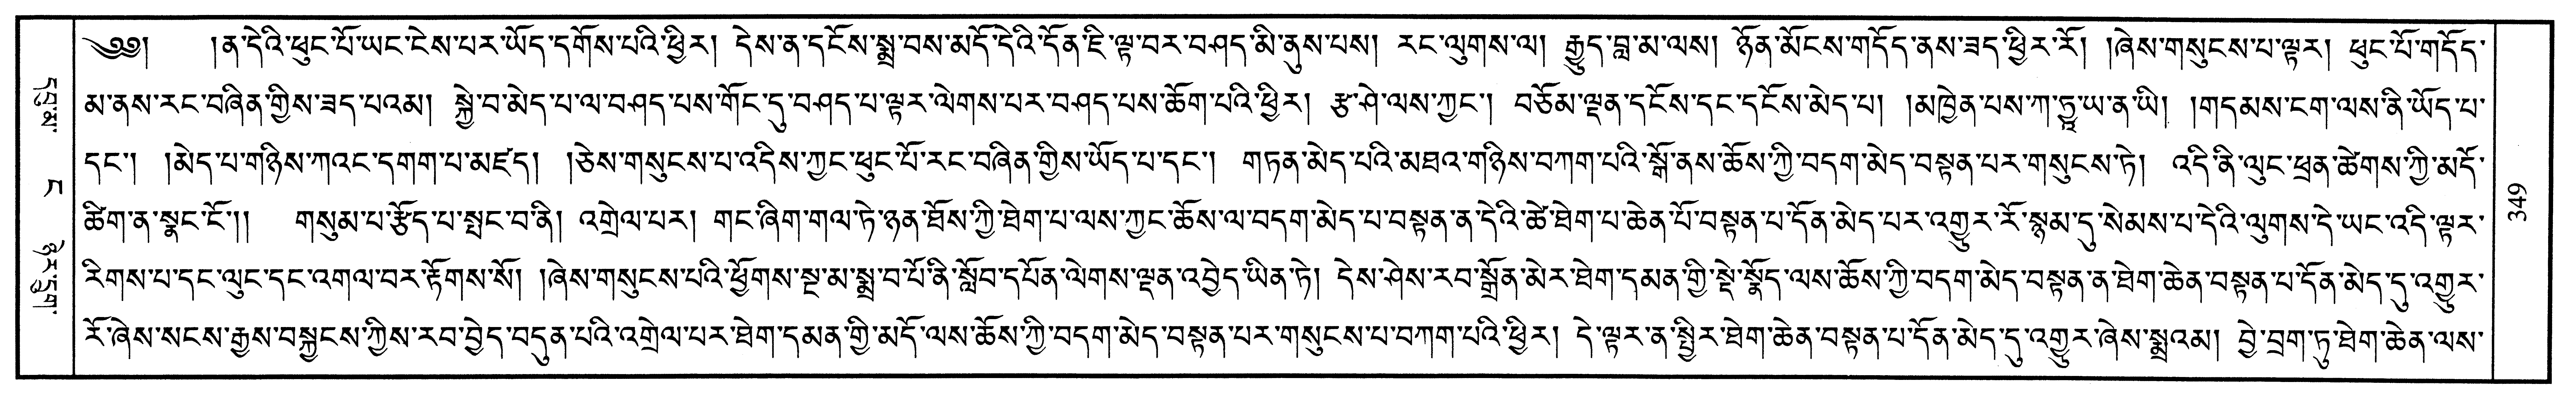༄༅། །ན་དེའི་ཕུང་པོ་ཡང་ངེས་པར་ཡོད་དགོས་པའི་ཕྱིར། དེས་ན་དངོས་སྨྲ་བས་མདོ་དེའི་དོན་ཇི་ལྟ་བར་བཤད་མི་ནུས་པས། རང་ལུགས་ལ། རྒྱུད་བླ་མ་ལས། ཉོན་མོངས་གདོད་ནས་ཟད་ཕྱིར་རོ། །ཞེས་གསུངས་པ་ལྟར། ཕུང་པོ་གདོད་
མ་ནས་རང་བཞིན་གྱིས་ཟད་པའམ། སྐྱེ་བ་མེད་པ་ལ་བཤད་པས་གོང་དུ་བཤད་པ་ལྟར་ལེགས་པར་བཤད་པས་ཆོག་པའི་ཕྱིར། རྩ་ཤེ་ལས་ཀྱང་། བཅོམ་ལྡན་དངོས་དང་དངོས་མེད་པ། །མཁྱེན་པས་ཀ་ཏྱཱ་ཡ་ན་ཡི། །གདམས་ངག་ལས་ནི་ཡོད་པ་
དང་། །མེད་པ་གཉིས་ཀའང་དགག་པ་མཛད། །ཅེས་གསུངས་པ་འདིས་ཀྱང་ཕུང་པོ་རང་བཞིན་གྱིས་ཡོད་པ་དང་། གཏན་མེད་པའི་མཐའ་གཉིས་བཀག་པའི་སྒོ་ནས་ཆོས་ཀྱི་བདག་མེད་བསྟན་པར་གསུངས་ཏེ། འདི་ནི་ལུང་ཕྲན་ཚེགས་ཀྱི་མདོ་
ཚིག་ན་སྣང་ངོ།། གསུམ་པ་རྩོད་པ་སྤང་བ་ནི། འགྲེལ་པར། གང་ཞིག་གལ་ཏེ་ཉན་ཐོས་ཀྱི་ཐེག་པ་ལས་ཀྱང་ཆོས་ལ་བདག་མེད་པ་བསྟན་ན་དེའི་ཚེ་ཐེག་པ་ཆེན་པོ་བསྟན་པ་དོན་མེད་པར་འགྱུར་རོ་སྙམ་དུ་སེམས་པ་དེའི་ལུགས་དེ་ཡང་འདི་ལྟར་
རིགས་པ་དང་ལུང་དང་འགལ་བར་རྟོགས་སོ། །ཞེས་གསུངས་པའི་ཕྱོགས་སྔ་མ་སྨྲ་བ་པོ་ནི་སློབ་དཔོན་ལེགས་ལྡན་འབྱེད་ཡིན་ཏེ། དེས་ཤེས་རབ་སྒྲོན་མེར་ཐེག་དམན་གྱི་སྡེ་སྣོད་ལས་ཆོས་ཀྱི་བདག་མེད་བསྟན་ན་ཐེག་ཆེན་བསྟན་པ་དོན་མེད་དུ་འགྱུར་
རོ་ཞེས་སངས་རྒྱས་བསྐྱངས་ཀྱིས་རབ་བྱེད་བདུན་པའི་འགྲེལ་པར་ཐེག་དམན་གྱི་མདོ་ལས་ཆོས་ཀྱི་བདག་མེད་བསྟན་པར་གསུངས་པ་བཀག་པའི་ཕྱིར། དེ་ལྟར་ན་སྤྱིར་ཐེག་ཆེན་བསྟན་པ་དོན་མེད་དུ་འགྱུར་ཞེས་སྨྲའམ། བྱེ་བྲག་ཏུ་ཐེག་ཆེན་ལས་